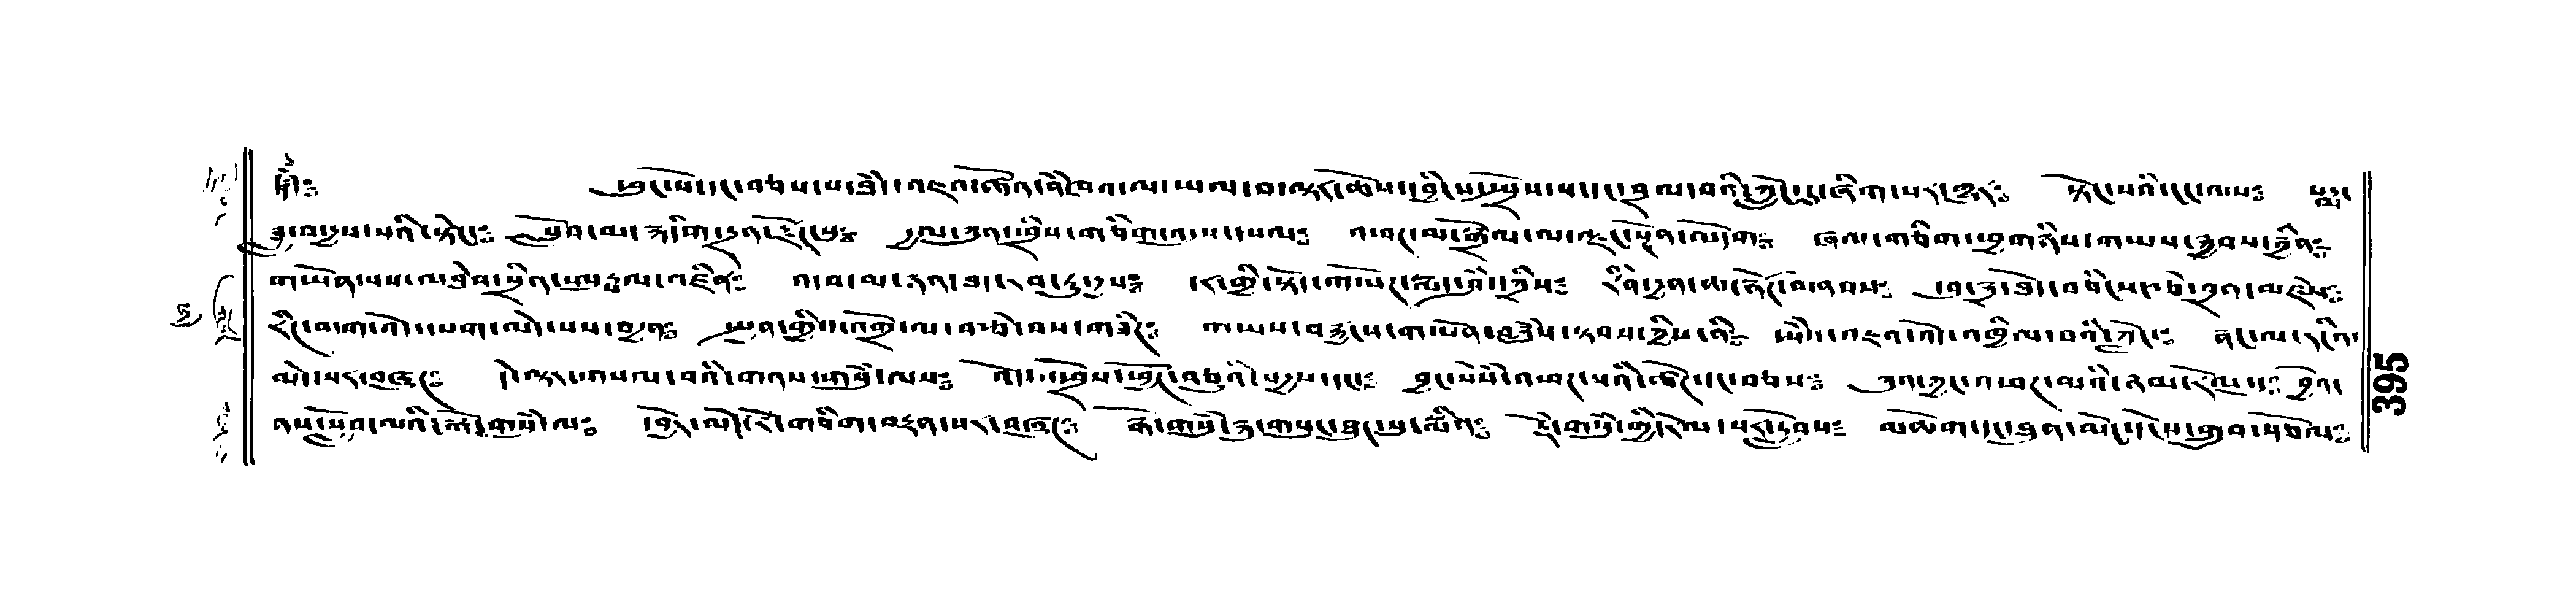༄༅་། ཕུང་པོ་དང་བཅས་པ་ཐམས་ཅད་འཇའ་ཚོན་ནམ་མཁའ་ལ་ཡལ་བ་ལྟར་ཆོས་དབྱིངས་སྤྲོས་པ་དང་བྲལ་བའི་ཀློང་དུ་ཞིག་པར་གྱུར༔ སྟོང་པའི་ངང་ལས༔པདྨ་
ཟླ་བ་རྒྱས་པའི་སྟེང༔ སློབ་མ་སྐད་ཅིག་དྲན་རྫོགས་སུ༔ རྒྱལ་ཀུན་ཕྲིན་ལས་གཅིག་འདུས་དཔལ༔ འཕགས་མ་སྒྲོལ་མ་ལྗང་སྔོན་མདོག༔ ཞལ་གཅིག་ཕྱག་གཉིས་གཡས་སྐྱབས་སྦྱིན༔ 
གཡོན་པས་མཐེབ་སྲིན་ཨུཏྤལ་འཛིན༔ འདབ་མ་སྙན་ཐད་རབ་ཏུ་རྒྱས༔ དར་གྱི་སྟོད་གཡོགས་སྨད་ཤམ་དཀྲིས༔ རིན་ཆེན་རྒྱན་ཆ་སྣ་ཚོགས་མནབས༔ དབུ་སྐྲ་ཐོད་བཅིངས་རྩེ་བྲན་མཛེས༔ 
རིགས་བདག་འོད་དཔག་མེད་པས་བརྒྱནཿ སྤྱན་གྱིས་འགྲོ་ལ་བརྩེ་བས་གཟིགས༔ གཡས་བརྐྱངས་གཡོན་བསྐུམས་སྟབས་ཀྱིས་ནི༔ ཡེ་ཤེས་འཇའ་འོད་འཁྱིལ་བའི་ཀློང༔ སྣང་ལ་རང་བཞིན་
མེད་པར་བཞུགས༔ དེ་ལྟར་གསལ་བའི་གནས་གསུམ་ལས༔ འོད་འཕྲོས་ཕྱོགས་བཅུའི་སངས་རྒྱས་དང༔ བྱང་སེམས་འཕགས་པའི་ཚོགས་དང་བཅསཿ ཀུན་ཀྱང་འཕགས་མའི་རྣམ་རོལ་དུ༔ བྱོན་
ནས་སློབ་མའི་སྒོ་གསུམ་ལ༔ དབྱེར་མེད་རོ་གཅིག་བརྟན་པར་བཞུགས༔ སྒོ་གསུམ་སྐུ་གསུང་ཐུགས་སུ་སྨིན༔ རྡོ་རྗེ་གསུམ་གྱི་རོལ་པར་རློབས༔ མཆོག་དང་ཐུན་མོང་དངོས་གྲུབ་སྩོལ༔